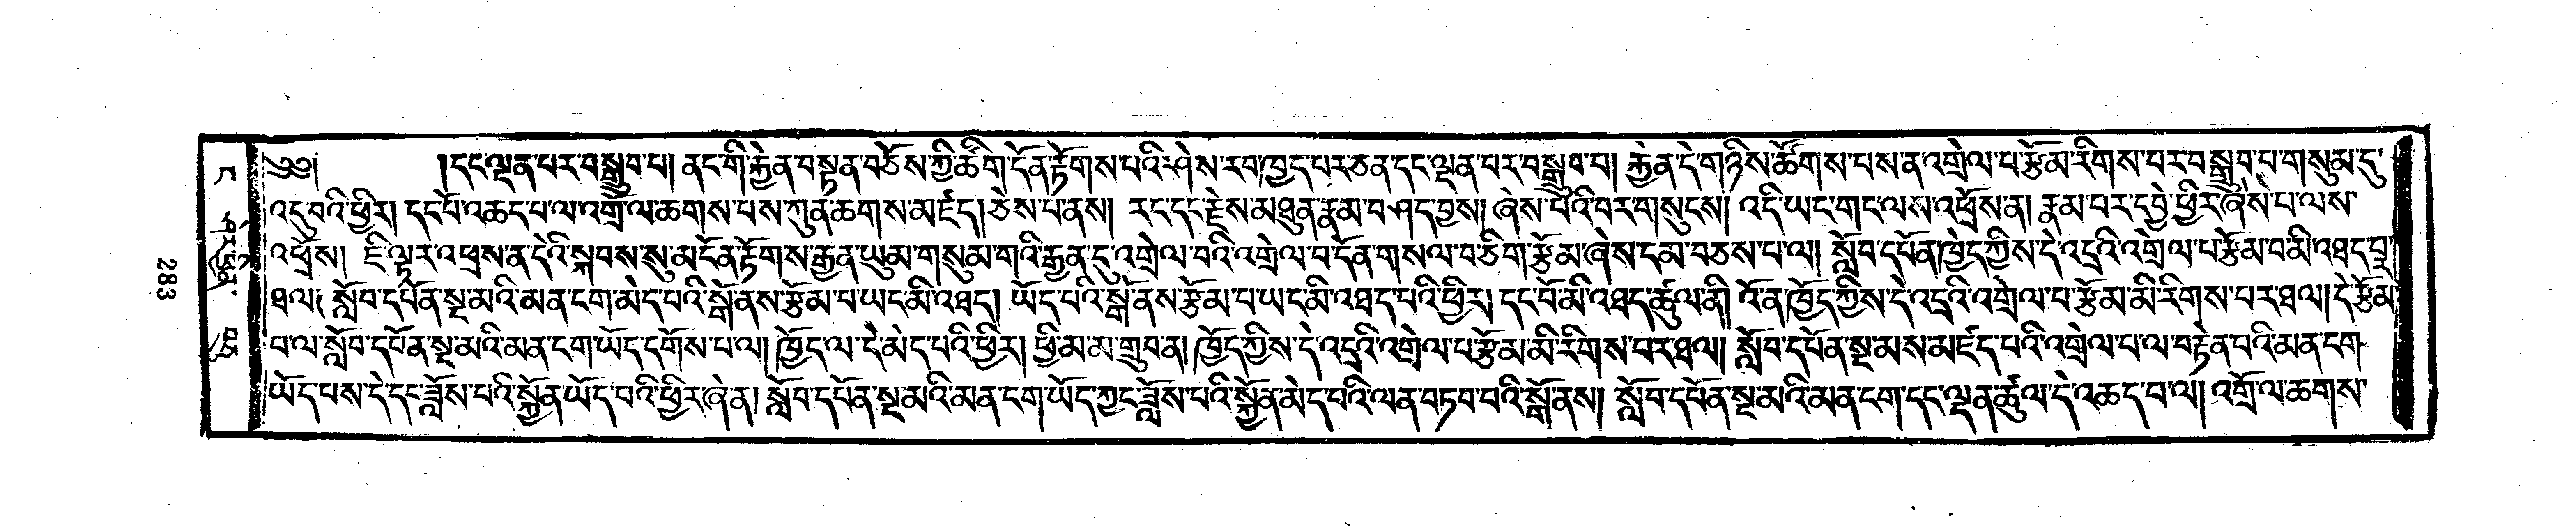༄༅། །དང་ལྡན་པར་བསྒྲུབ་པ། ནང་གི་རྐྱེན་བསྟན་བཅོས་ཀྱི་ཚིག་དོན་རྟོགས་པའི་ཤེས་རབ་ཁྱད་པར་ཅན་དང་ལྡན་པར་བསྒྲུབ་པ། རྐྱེན་དེ་གཉིས་ཚོགས་པས་ན་འགྲེལ་པ་རྩོམ་རིགས་པར་བསྒྲུབ་པ་གསུམ་དུ་
འདུ་བའི་ཕྱིར། དང་པོ་འཆད་པ་ལ་འགྲོ་ལ་ཆགས་པས་ཀུན་ཆགས་མཛད། ཅེས་པ་ནས། རང་དང་རྗེས་མཐུན་རྣམ་བཤད་བྱས། ཞེས་པའི་བར་གསུངས། འདི་ཡང་གང་ལས་འཕྲོས་ན། རྣམ་པར་དབྱེ་ཕྱིར་ཞེས་པ་ལས་
འཕྲོས། ཇི་ལྟར་འཕྲོས་ན་དེའི་སྐབས་སུ་མངོན་རྟོགས་རྒྱན་ཡུམ་གསུམ་གའི་རྒྱན་དུ་འགྲེལ་བའི་འགྲེལ་པ་དོན་གསལ་བ་ཅིག་རྩོམ་ཞེས་དམ་བཅས་པ་ལ། སློབ་དཔོན་ཁྱེད་ཀྱིས་དེ་འདྲའི་འགྲེལ་པ་རྩོམ་པ་མི་འཐད་པ་
ཐལ༑ སློབ་དཔོན་སྔ་མའི་མན་ངག་མེད་པའི་སྒོ་ནས་རྩོམ་པ་ཡང་མི་འཐད། ཡོད་པའི་སྒོ་ནས་རྩོམ་པ་ཡང་མི་འཐད་པའི་ཕྱིར། དང་པོ་མི་འཐད་ཚུལ་ནི། འོ་ན་ཁྱོད་ཀྱིས་དེ་འདྲའི་འགྲེལ་པ་རྩོམ་མི་རིགས་པར་ཐལ། དེ་རྩོམ་
པ་ལ་སློབ་དཔོན་སྔ་མའི་མན་ངག་ཡོད་དགོས་པ་ལ། ཁྱོད་ལ་དེ་མེད་པའི་ཕྱིར། ཕྱི་མ་མ་གྲུབ་ན། ཁྱོད་ཀྱིས་དེ་འདྲའི་འགྲེལ་པ་རྩོམ་མི་རིགས་པར་ཐལ། སློབ་དཔོན་སྔ་མས་མཛད་པའི་འགྲེལ་པ་ལ་བརྟེན་པའི་མན་ངག་
ཡོད་པས་དེ་དང་ཟློས་པའི་སྐྱོན་ཡོད་པའི་ཕྱིར་ཞེ་ན། སློབ་དཔོན་སྔ་མའི་མན་ངག་ཡོད་ཀྱང་ཟློས་པའི་སྐྱོན་མེད་པའི་ལན་བཏབ་པའི་སྒོ་ནས། སློབ་དཔོན་སྔ་མའི་མན་ངག་དང་ལྡན་ཚུལ་དེ་འཆད་པ་ལ། འགྲོ་ལ་ཆགས་